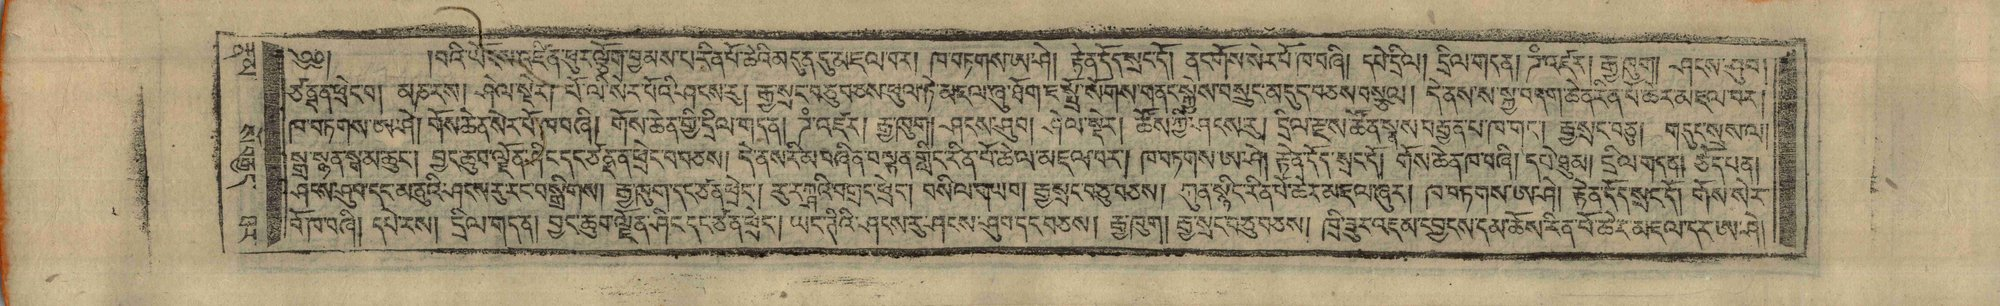༄༅། །བའི་ཡོངས་འཛིན་ཕུར་ལྕོག་བྱམས་པ་རིན་པོ་ཆེའི་མདུན་དུ་མཇལ་བར། ཁ་བཏགས་ཨ་ཤེ། རྟེན་དོད་སྲང་དོ། ནང་གོས་སེར་པོ་ཁ་བཞི། དཔེ་དྲིལ། དྲིལ་གདན། ཌཾ་འཛར། རྒྱ་ཁུག །ཤངས་ཤུབ།
ཙནྡན་ཕྲེང་བ། མཎ་རས། ཤེལ་སྡེར། པོ་ལི་སེར་པོའི་ཤངས་རུ། རྒྱ་སྲང་བཅུ་བཅས་ཕུལ་ཏེ་མཇལ་ཞུ་ཐོག་ཇ་སྤྲོ་སོགས་གནང་སྐྱེས་བསྲུང་མདུད་བཅས་བསྩལ། དེ་ནས་ས་སྐྱ་བདག་ཆེན་རིན་པོ་ཆེར་མཇལ་བར།
ཁ་བཏགས་ཨ་ཤི། གོས་ཆེན་སེར་པོ་ཁ་བཞི། གོས་ཆེན་གྱི་དྲིལ་གདན། ཌཾ་འཛར། རྒྱ་ཁུག །ཤངས་ཤུབ། ཤེལ་སྡེར། ཚོས་ཀྱི་ཤངས་རུ། དྲིལ་རྫས་ཚོན་སྣས་བརྒྱན་པ་ཁ་གང་། རྒྱ་སྲང་བཅུ། གདུང་སྲས་ལ།
སྒྲ་སྙན་སྒམ་ཆུང་། བྱང་ཆུབ་ལྗོན་ཤིང་དང་ཙནྡན་ན་ཕྲེང་བ་བཅས། དེ་ནས་རིམ་བཞིན་བསྟན་གླིང་རིན་པོ་ཆེ་ལ་མཇལ་བར། ཁ་བཏགས་ཨ་ཤེ་རྟེན་དོད་སྲང་དོ། གོས་ཆེན་ཁ་བཞི། དཔེ་ཐུམ། དྲིལ་གདན། ཅོད་པན།
ཤངས་ཤུབ་དང་མ་ནུའི་ཤངས་རུ་རང་བསྒྲིགས། རྒྱ་ཁུག་དང་ཙན་ཕྲེང་། རུ་རཀྴའི་བགྲང་ཕྲེང་། བསིལ་གཡབ། རྒྱ་སྲང་བཅུ་བཅས། ཀུན་སྙིང་རིན་པོ་ཆེར་མཇལ་ཞུར། ཁ་བཏགས་ཨ་ཤེ། རྟེན་དོད་སྲང་ངོ། གོས་སེར་
བོ་ཁ་བཞི། དཔེ་རས། དྲིལ་གདན། བྱང་ཆུབ་ལྗོན་ཤིང་དང་ཙན་ཕྲེང་། ཡང་ཊིའི་ཤངས་རུ་ཤངས་ཤུབ་དང་བཅས། རྒྱ་ཁུག །རྒྱ་སྲང་བཅུ་བཅས། ཁྲི་ཟུར་འཇམ་དབྱངས་དམ་ཚོས་རིན་པོ་ཆེར་མཇལ་དར་ཨ་ཤེ།